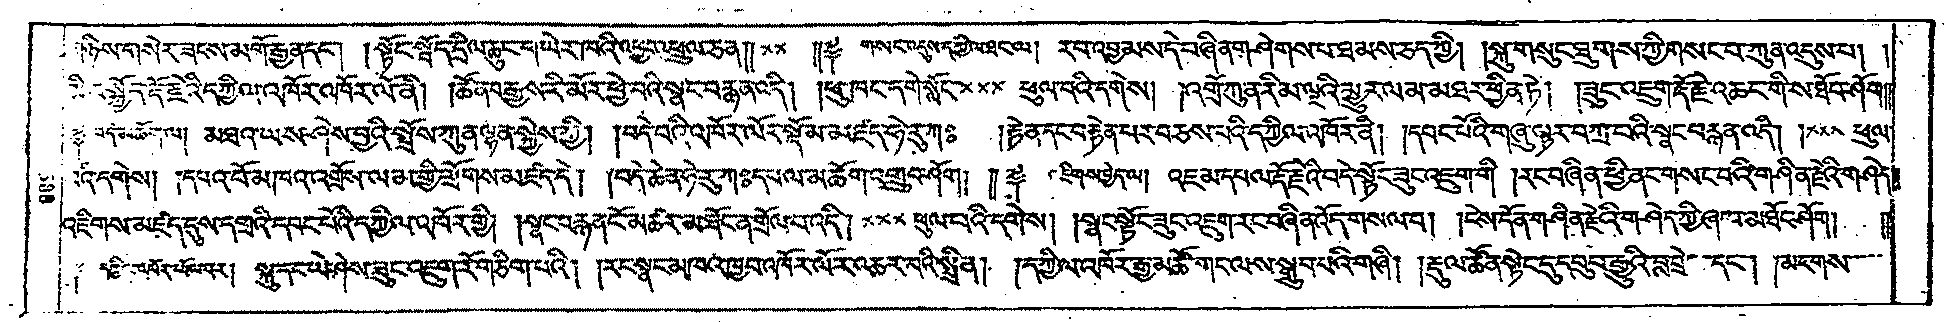གཉིས་གསེར་ཟངས་མགོ་རྒྱན་དང་། །སྟོང་སྦོད་དྲིལ་ཆུང་གཡེར་ཁའི་འཕྱང་འཕྲུལ་ཅན།། ྾་྾་།། ༈ གསང་འདུས་དཀྱིལ་ཐང་ལ།  རབ་འབྱམས་དེ་བཞིན་གཤེགས་པ་ཐམས་ཅད་ཀྱི། །སྐུ་གསུང་ཐུགས་ཀྱི་གསང་བ་ཀུན་འདུས་པ། །
མི་བསྐྱོད་རྡོ་རྗེའི་དཀྱིལ་འཁོར་འཁོར་ལོ་ནི། །ཚོན་བརྒྱས་རི་མོར་ཕྱེ་བའི་སྣང་བརྙན་འདི། །ཕུ་ཁང་དགེ་སློང་྾་྾་྾་ཕུལ་བའི་དགེས། །འགྲོ་ཀུན་རིམ་ལྔའི་མྱུར་ལམ་མཐར་ཕྱིན་ཏེ། །ཟུང་འཇུག་རྡོ་རྗེ་འཆང་གི་ས་ཐོབ་ཤོག །།
༈ བདེ་མཆོག་ལ།  མཐའ་ཡས་ཤེས་བྱའི་སྤྲོས་ཀུན་ལྷན་སྐྱེས་ཀྱི། །བདེ་བའི་འཁོར་ལོར་སྡོམ་མཛད་ཧེ་རུ་ཀཿ །རྟེན་དང་བརྟེན་པར་བཅས་པའི་དཀྱིལ་འཁོར་ནི། །དབང་པོའི་གཞུ་ལྟར་བཀྲ་བའི་སྣང་བརྙན་འདི། །྾་྾་྾་ཕུལ་
བའི་དགེས། །དཔའ་བོ་མཁའ་འགྲོས་ལམ་གྱི་གྲོགས་མཛད་དེ། །བདེ་ཆེན་ཧེ་རུ་ཀཿ དཔལ་མཆོག་འགྲུབ་ཤོག ། །། ༈ འཇིགས་བྱེད་ལ།  འཇམ་དཔལ་རྡོ་རྗེའི་བདེ་སྟོང་ཟུང་འཇུག་གི །རང་བཞིན་ཕྱི་ནང་གསང་བའི་གཤིན་རྗེའི་གཤེད། །
འཇིགས་མཛད་དུས་དགྲའི་དབང་པོའི་དཀྱིལ་འཁོར་གྱི། །སྣང་བརྙན་ངོ་མཚར་མཐོང་ན་གྲོལ་བ་འདི། ྾་྾་྾་ཕུལ་བའི་དགེས། །སྣང་སྟོང་ཟུང་འཇུག་རང་བཞིན་འོད་གསལ་བ། །ངེས་དོན་གཤིན་རྗེའི་གཤེད་ཀྱི་ཞལ་མཐོང་ཤོག ། །།
༈ དཀྱིལ་འཁོར་ཡོལ་བར།  སྐུ་དང་ཡེ་ཤེས་ཟུང་འཇུག་རོ་གཅིག་པའི། །རང་སྣང་མཁའ་ཁྱབ་འཁོར་ལོར་འཆར་བའི་སྤྲིན། །དཀྱིལ་འཁོར་རྒྱ་མཚོ་གང་ལས་སྒྲུབ་པའི་གཞི། །རྡུལ་ཚོན་སྟེང་དུ་དབུབ་རྒྱུའི་བླ་བྲེ་དང་། །མངགས་